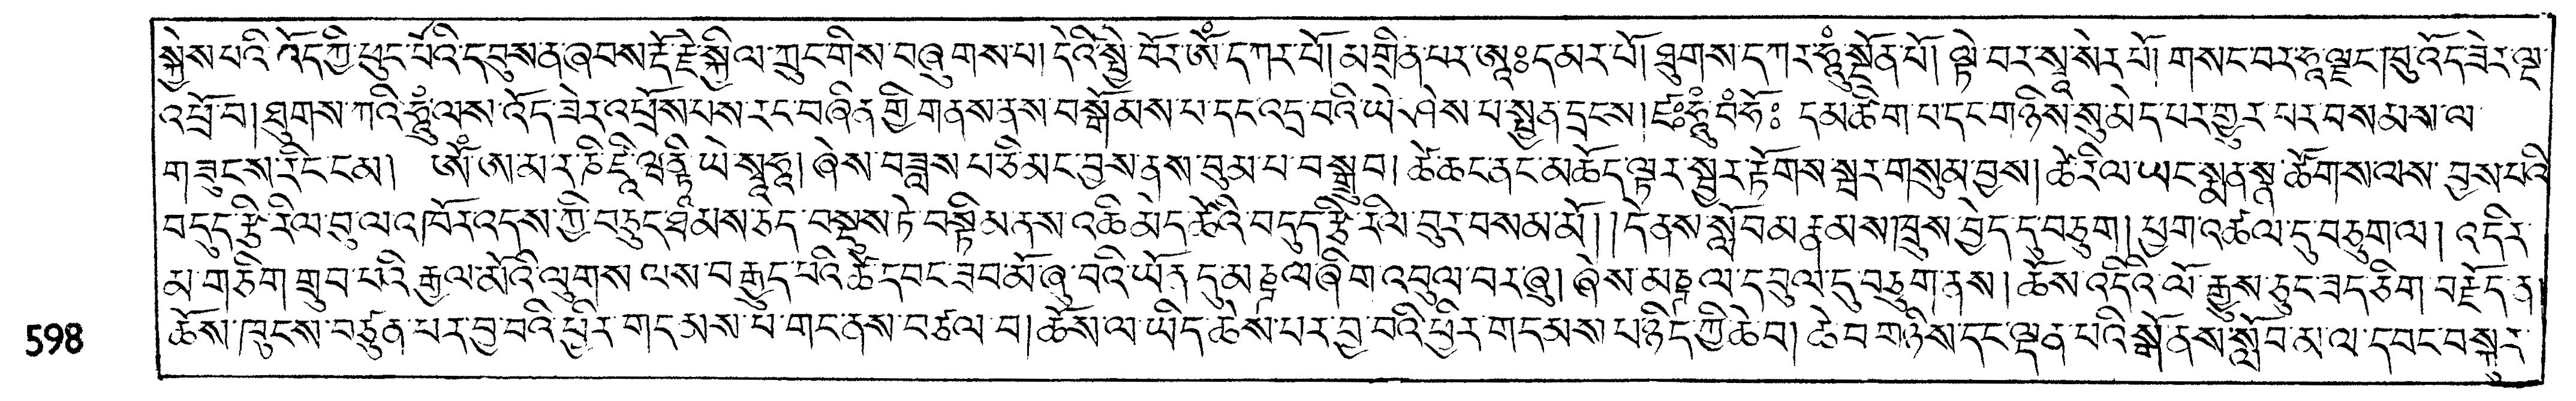སྐྱེས་པའི་འོད་ཀྱི་ཕུང་པོའི་དབུས་ན་ཞབས་རྡོ་རྗེ་སྐྱིལ་ཀྲུང་གིས་བཞུགས་པ། དེའི་སྤྱི་བོར་ཨོཾ་དཀར་པོ། མགྲིན་པར་ཨཱཿ དམར་པོ། ཐུགས་དཀར་ཧཱུཾ་སྔོན་པོ། ལྟེ་བར་སྭཱ་སེར་པོ། གསང་བར་ཧཱ་ལྗང་ཁུ་འོད་ཟེར་ལྔ་
འཕྲོ་བ། ཐུགས་ཀའི་ཧཱུཾ་ལས་འོད་ཟེར་འཕྲོས་པས་རང་བཞིན་གྱི་གནས་ནས་བསྒོམས་པ་དང་འདྲ་བའི་ཡེ་ཤེས་པ་སྤྱན་དྲངས། ཛཿ ཧཱུཾ་བཾ་ཧོཿ དམ་ཚིག་པ་དང་གཉིས་སུ་མེད་པར་གྱུར་པར་བསམས་ལ་
གཟུངས་རིང་ངམ། ཨོཾ་ཨ་མ་ར་ཎི་ཛཱི་ཝནྟཱི་ཡེ་སྭཱཧཱ། ཞེས་བཟླས་པ་ཅི་མང་བྱས་ནས་བུམ་པ་བསྒྲུབ། ཚེ་ཆང་ནང་མཆོད་ལྟར་སྦྱར་རྟོགས་སྦར་གསུམ་བྱས། ཚེ་རིལ་ཡང་སྨན་སྣ་ཚོགས་ལས་བྱས་པའི་
བདུད་རྩི་རིལ་བུ་ལ་འཁོར་འདས་ཀྱི་བཅུད་ཐམས་ཅད་བསྡུས་ཏེ་བསྟིམ་ནས་འཆི་མེད་ཚེའི་བདུད་རྩི་རིལ་བུར་བསམ་མོ། །དེ་ནས་སློབ་མ་རྣམས་ཁྲུས་བྱེད་དུ་བཅུག །ཕྱག་འཚལ་དུ་བཅུག་ལ། འདིར་
མ་གཅིག་གྲུབ་པའི་རྒྱལ་མོའི་ལུགས་ལས་བརྒྱུད་པའི་ཚེ་དབང་ཟབ་མོ་ཞུ་བའི་ཡོན་དུ་མཎྜལ་ཞིག་འབུལ་བར་ཞུ། ཞེས་མཎྜལ་དབུལ་དུ་བཅུག་ནས། ཆོས་འདིའི་ལོ་རྒྱུས་ཅུང་ཟད་ཅིག་བརྗོད་ན།
ཆོས་ཁུངས་བཙུན་པར་བྱ་བའི་ཕྱིར་གདམས་པ་གང་ནས་བཙལ་བ། ཆོས་ལ་ཡིད་ཆེས་པར་བྱ་བའི་ཕྱིར་གདམས་པ་ཉིད་ཀྱི་ཆེ་བ། ཆེ་བ་གཉིས་དང་ལྡན་པའི་སྒོ་ནས་སློབ་མ་ལ་དབང་བསྐུར་